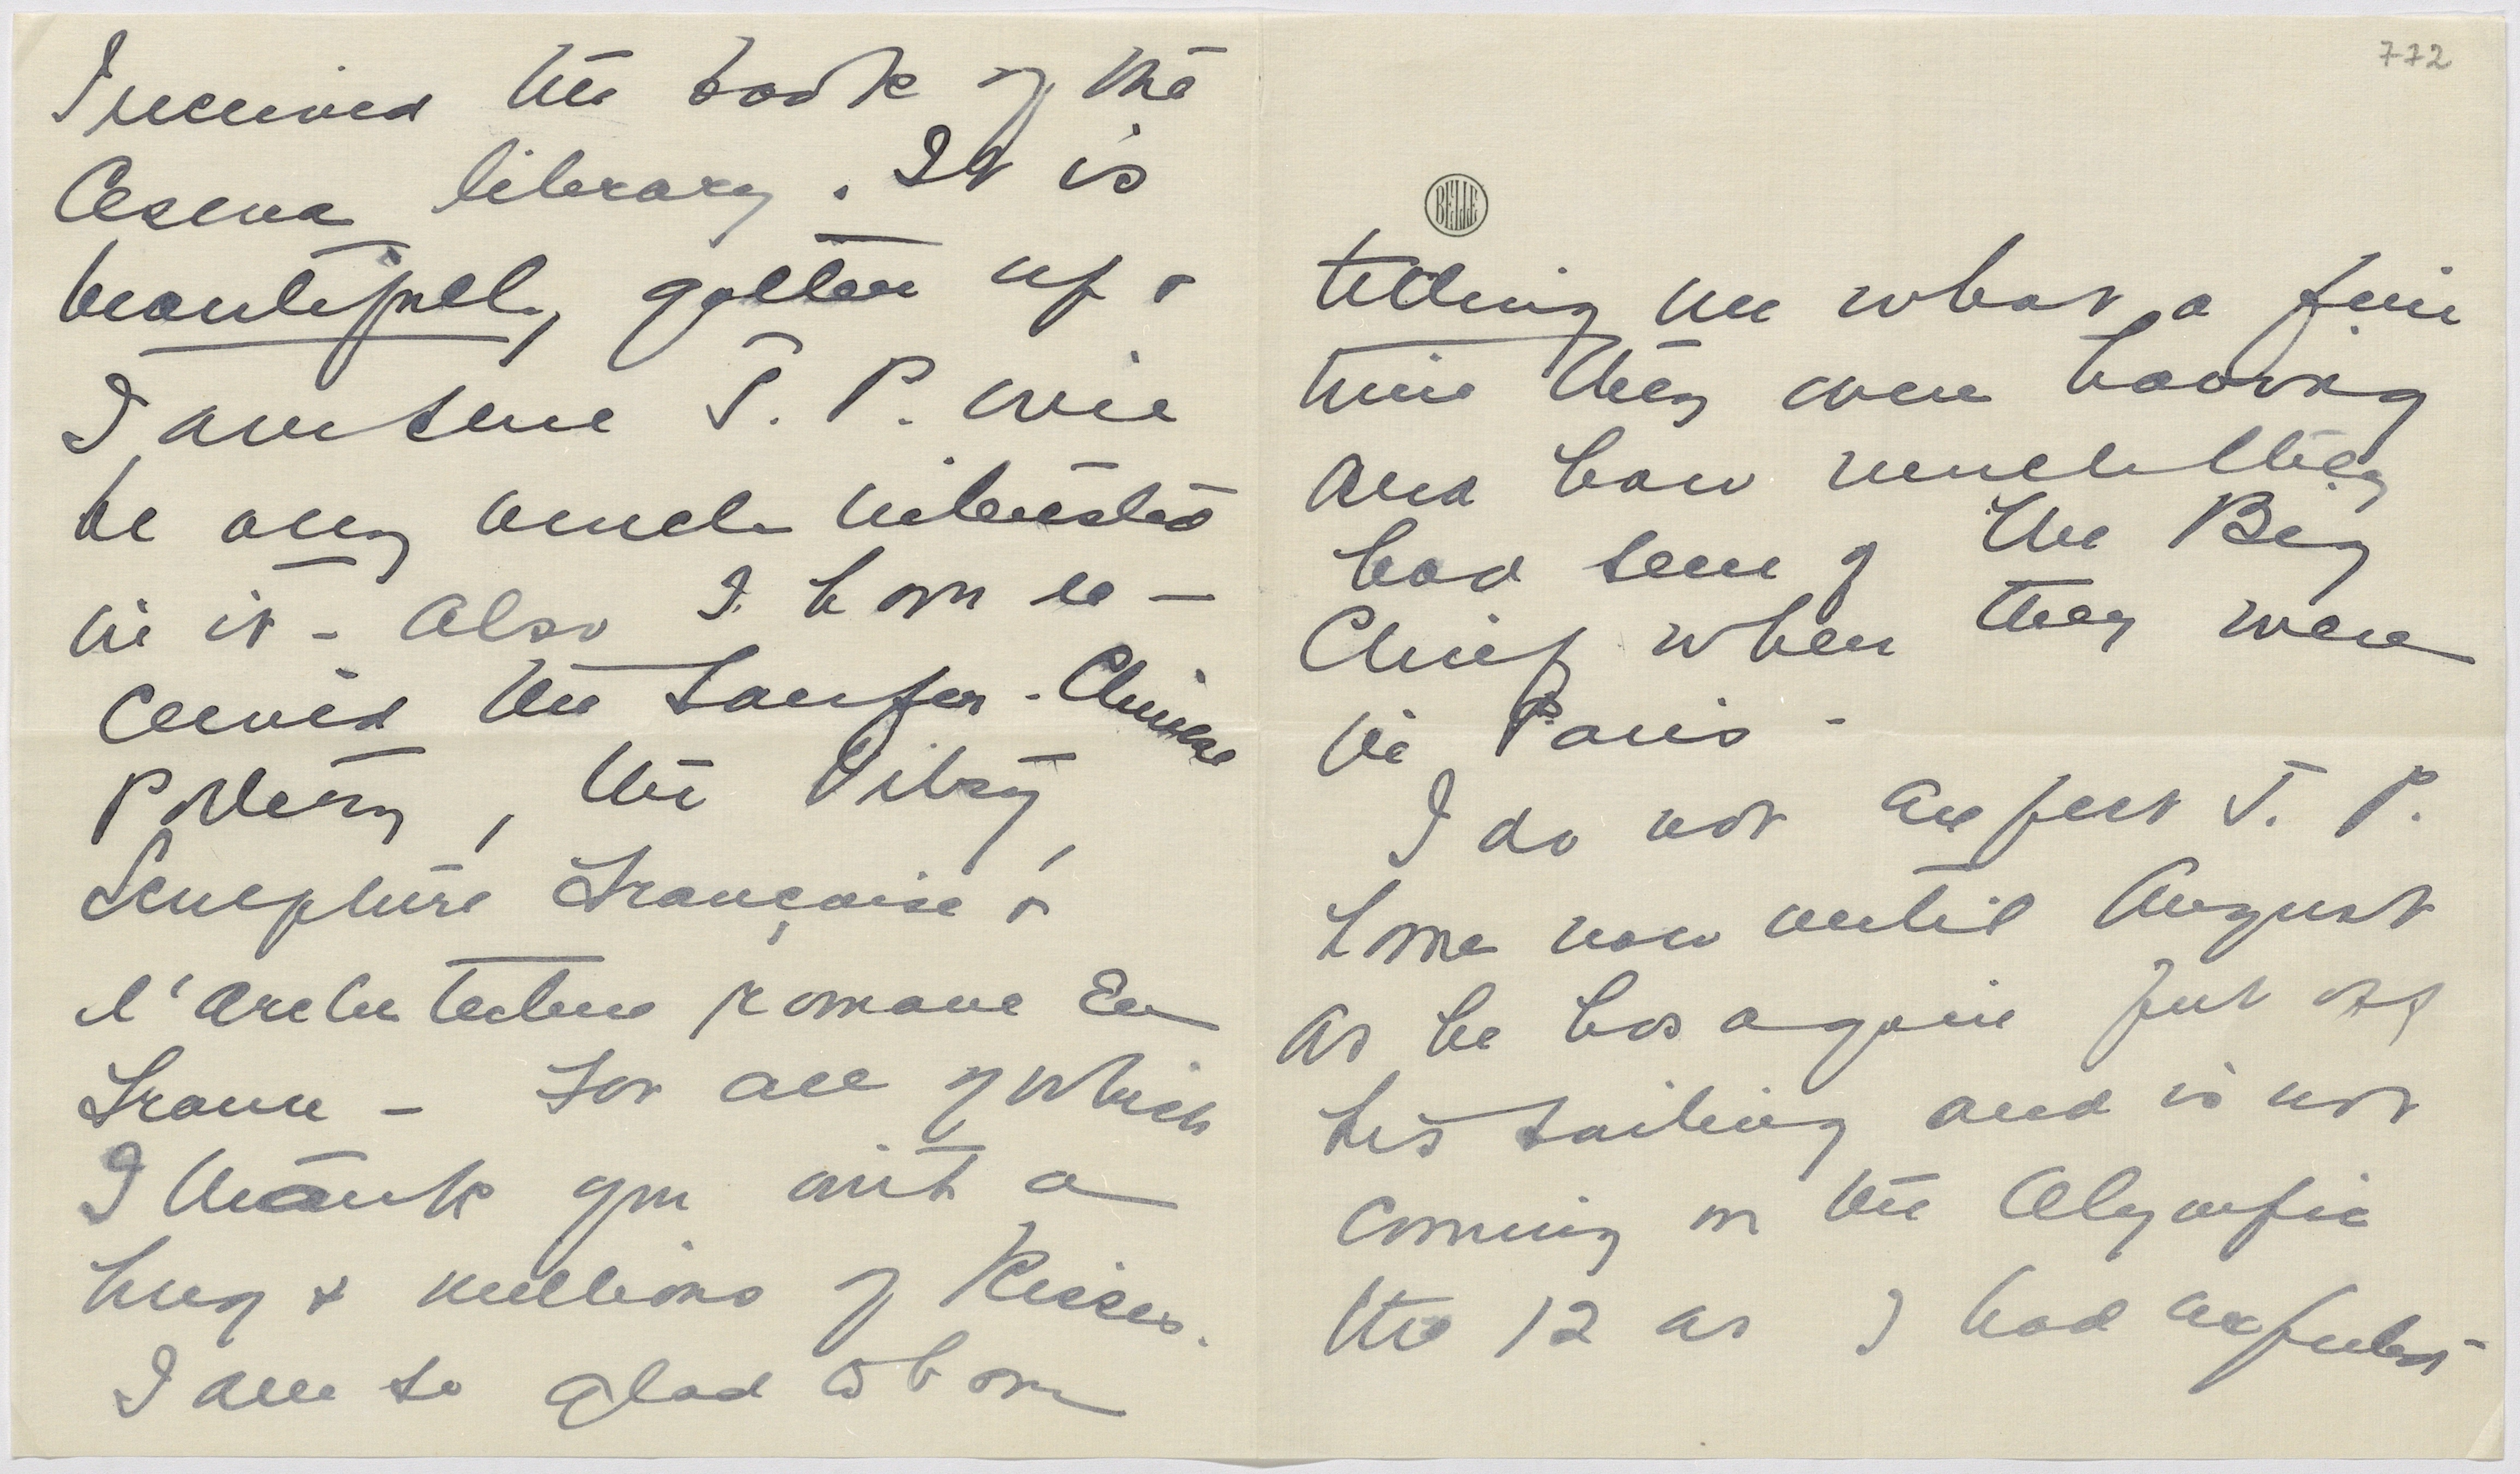telling me what a fine time they were having and how much they had seen of the Big Chief when they were in Paris –
I do not expect J. P. home now until August as he has again put off his sailing and is not coming on the Olympic the 12 as I had expected
I received the book of the Cesena library. It is beautifully gotten up & I am sure J. P. will be very much interested in it – also I have received the Laufer-Chinese Pottery, the Vitry, Sculpture Française & l'architecture romane en France – For all of which I thank you with a hug & millions of kisses.
I am so glad to have